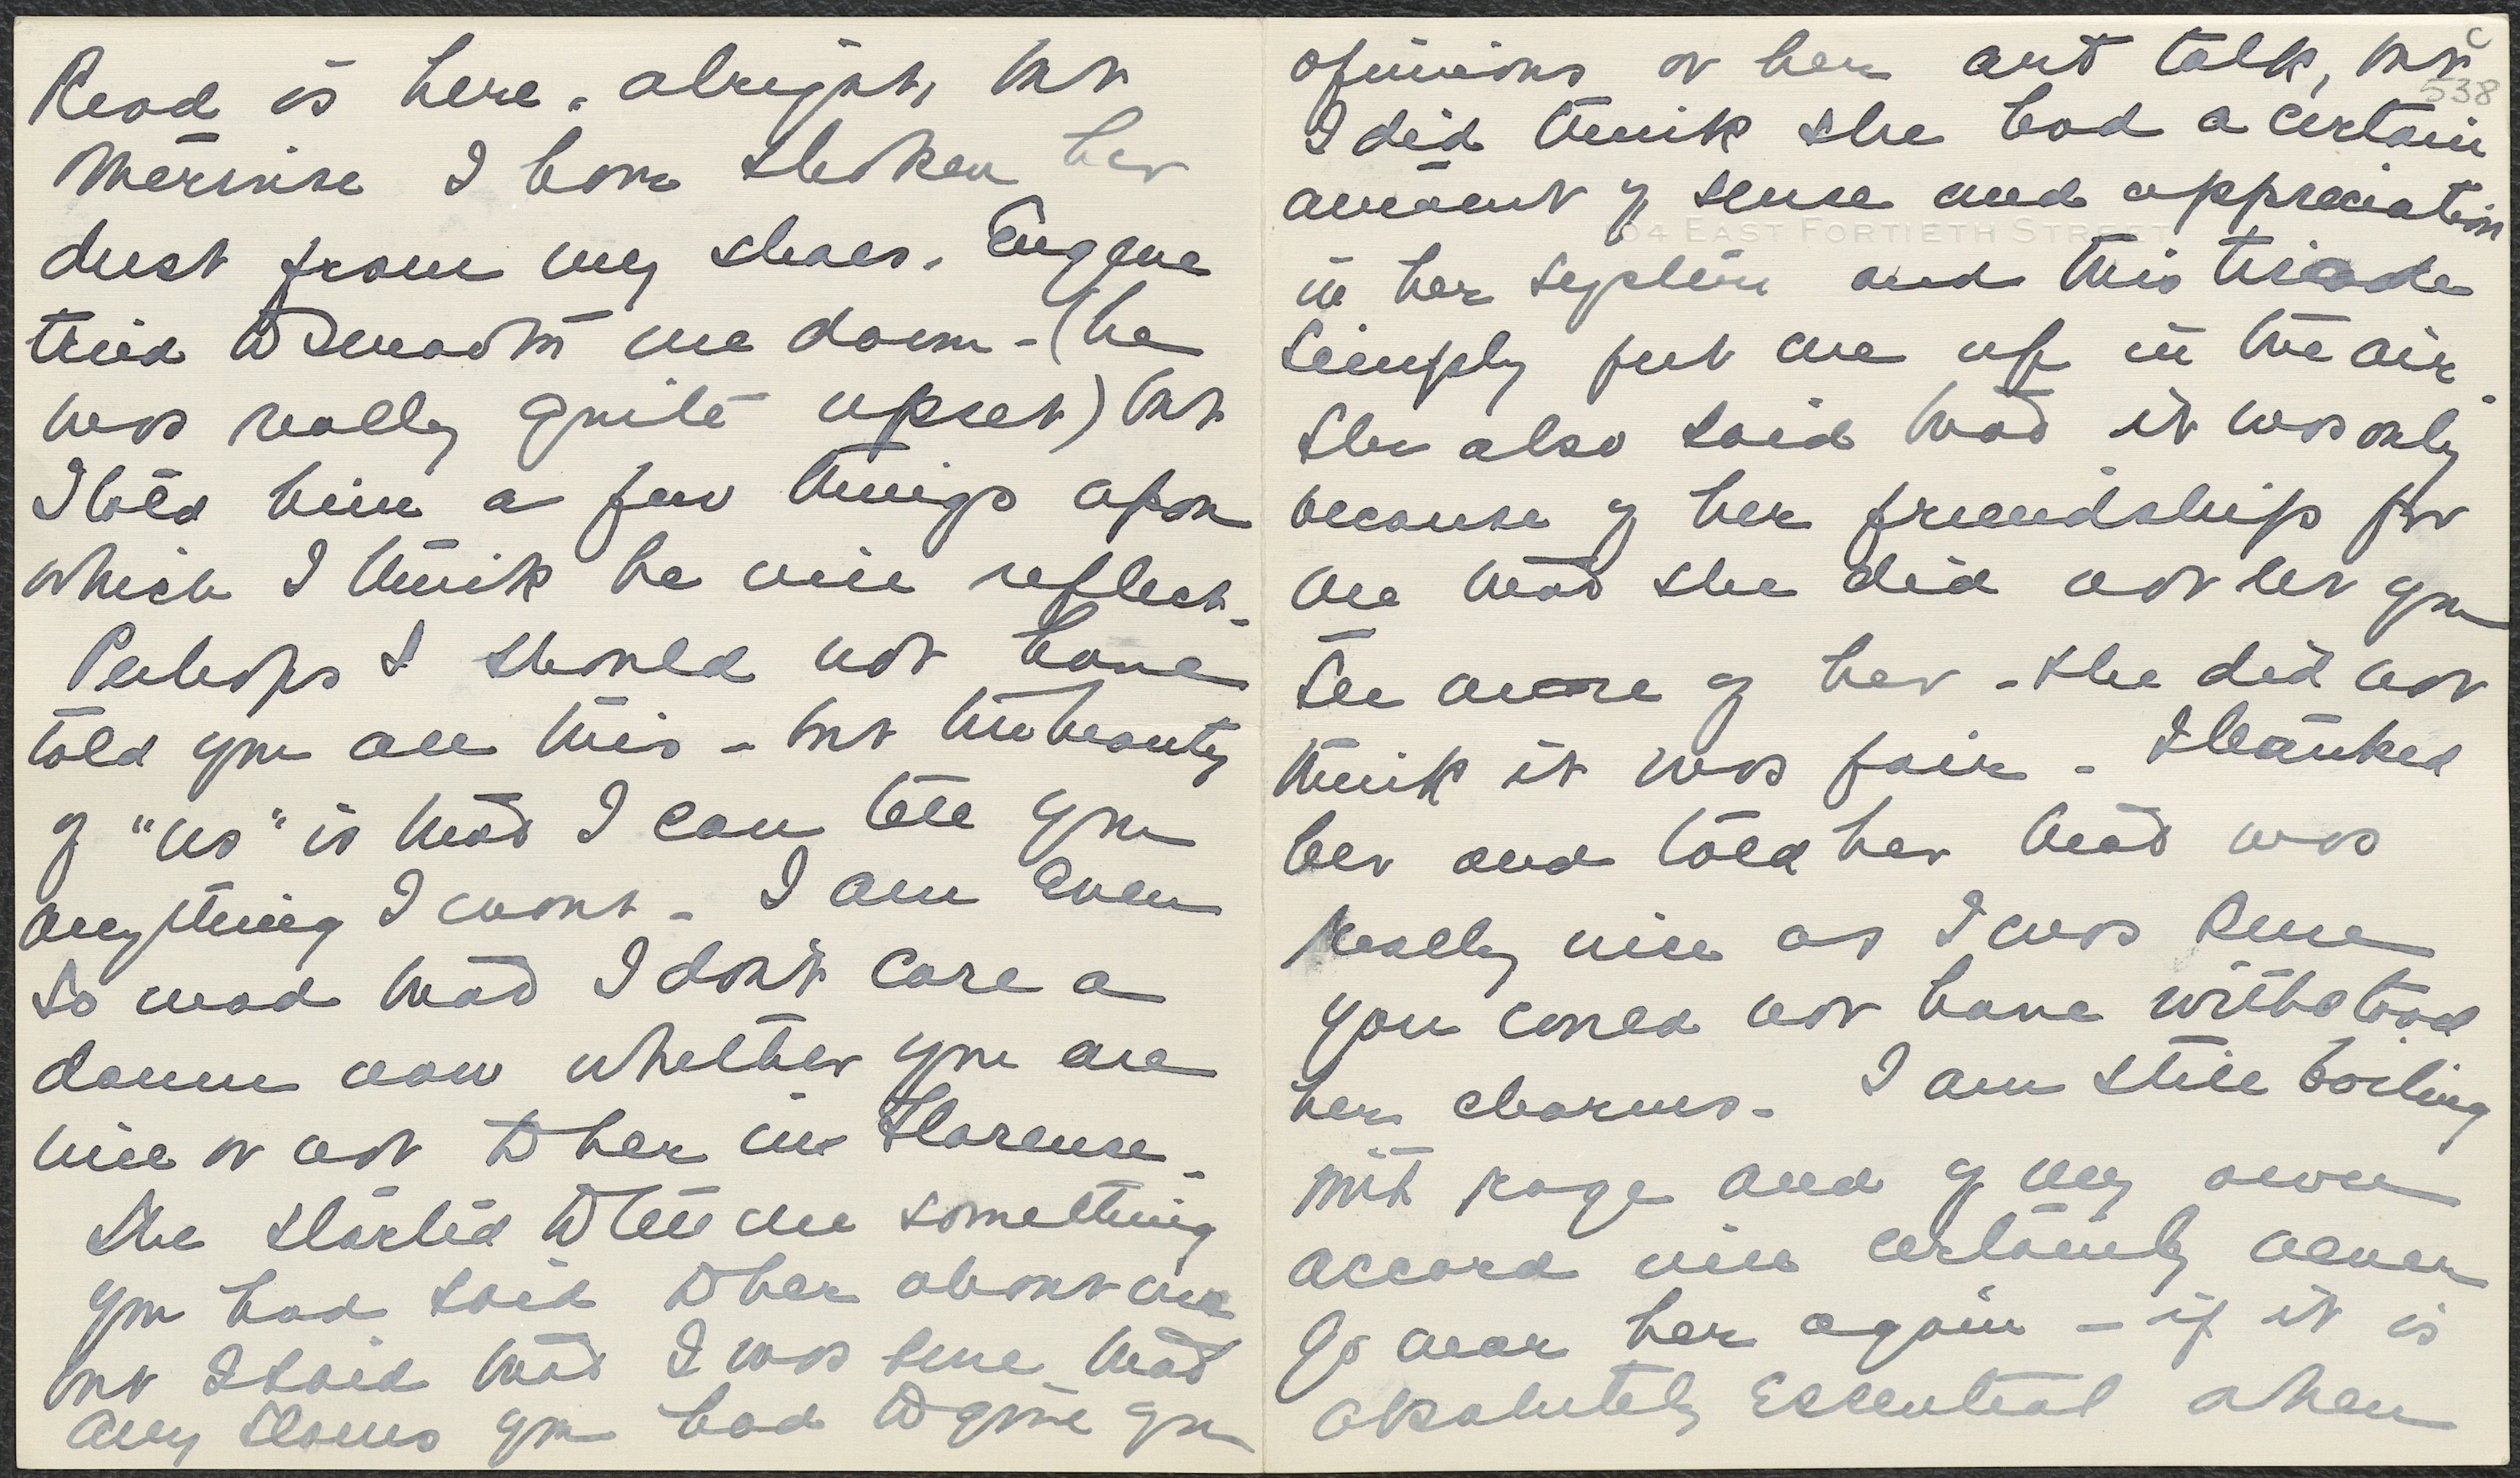opinions or her art talk, but I did think she had a certain amount of sense and appreciation in her system and this tirade simply put me up in the air – She also said that it was only because of her friendship for me that she did not let you see more of her – she did not think it was fair – I thanked her and told her that was really nice as I was sure you could not have withstood her charms – I am still boiling with rage and of my own accord will certainly never go near her again – if it is absolutely essential when
Read is here, alright, but otherwise I have shaken her dust from my shoes, Eugene tried to smooth me down – (he was really quite upset) but I told him a few things upon which I think he will reflect –
Perhaps I should not have told you all this – but the beauty of “us” is that I can tell you anything I want – I am even so mad that I don’t care a damn now whether you are nice or not to her in Florence – She started to tell me something you had said to her about me but I said that I was sure that any slams you had to give you